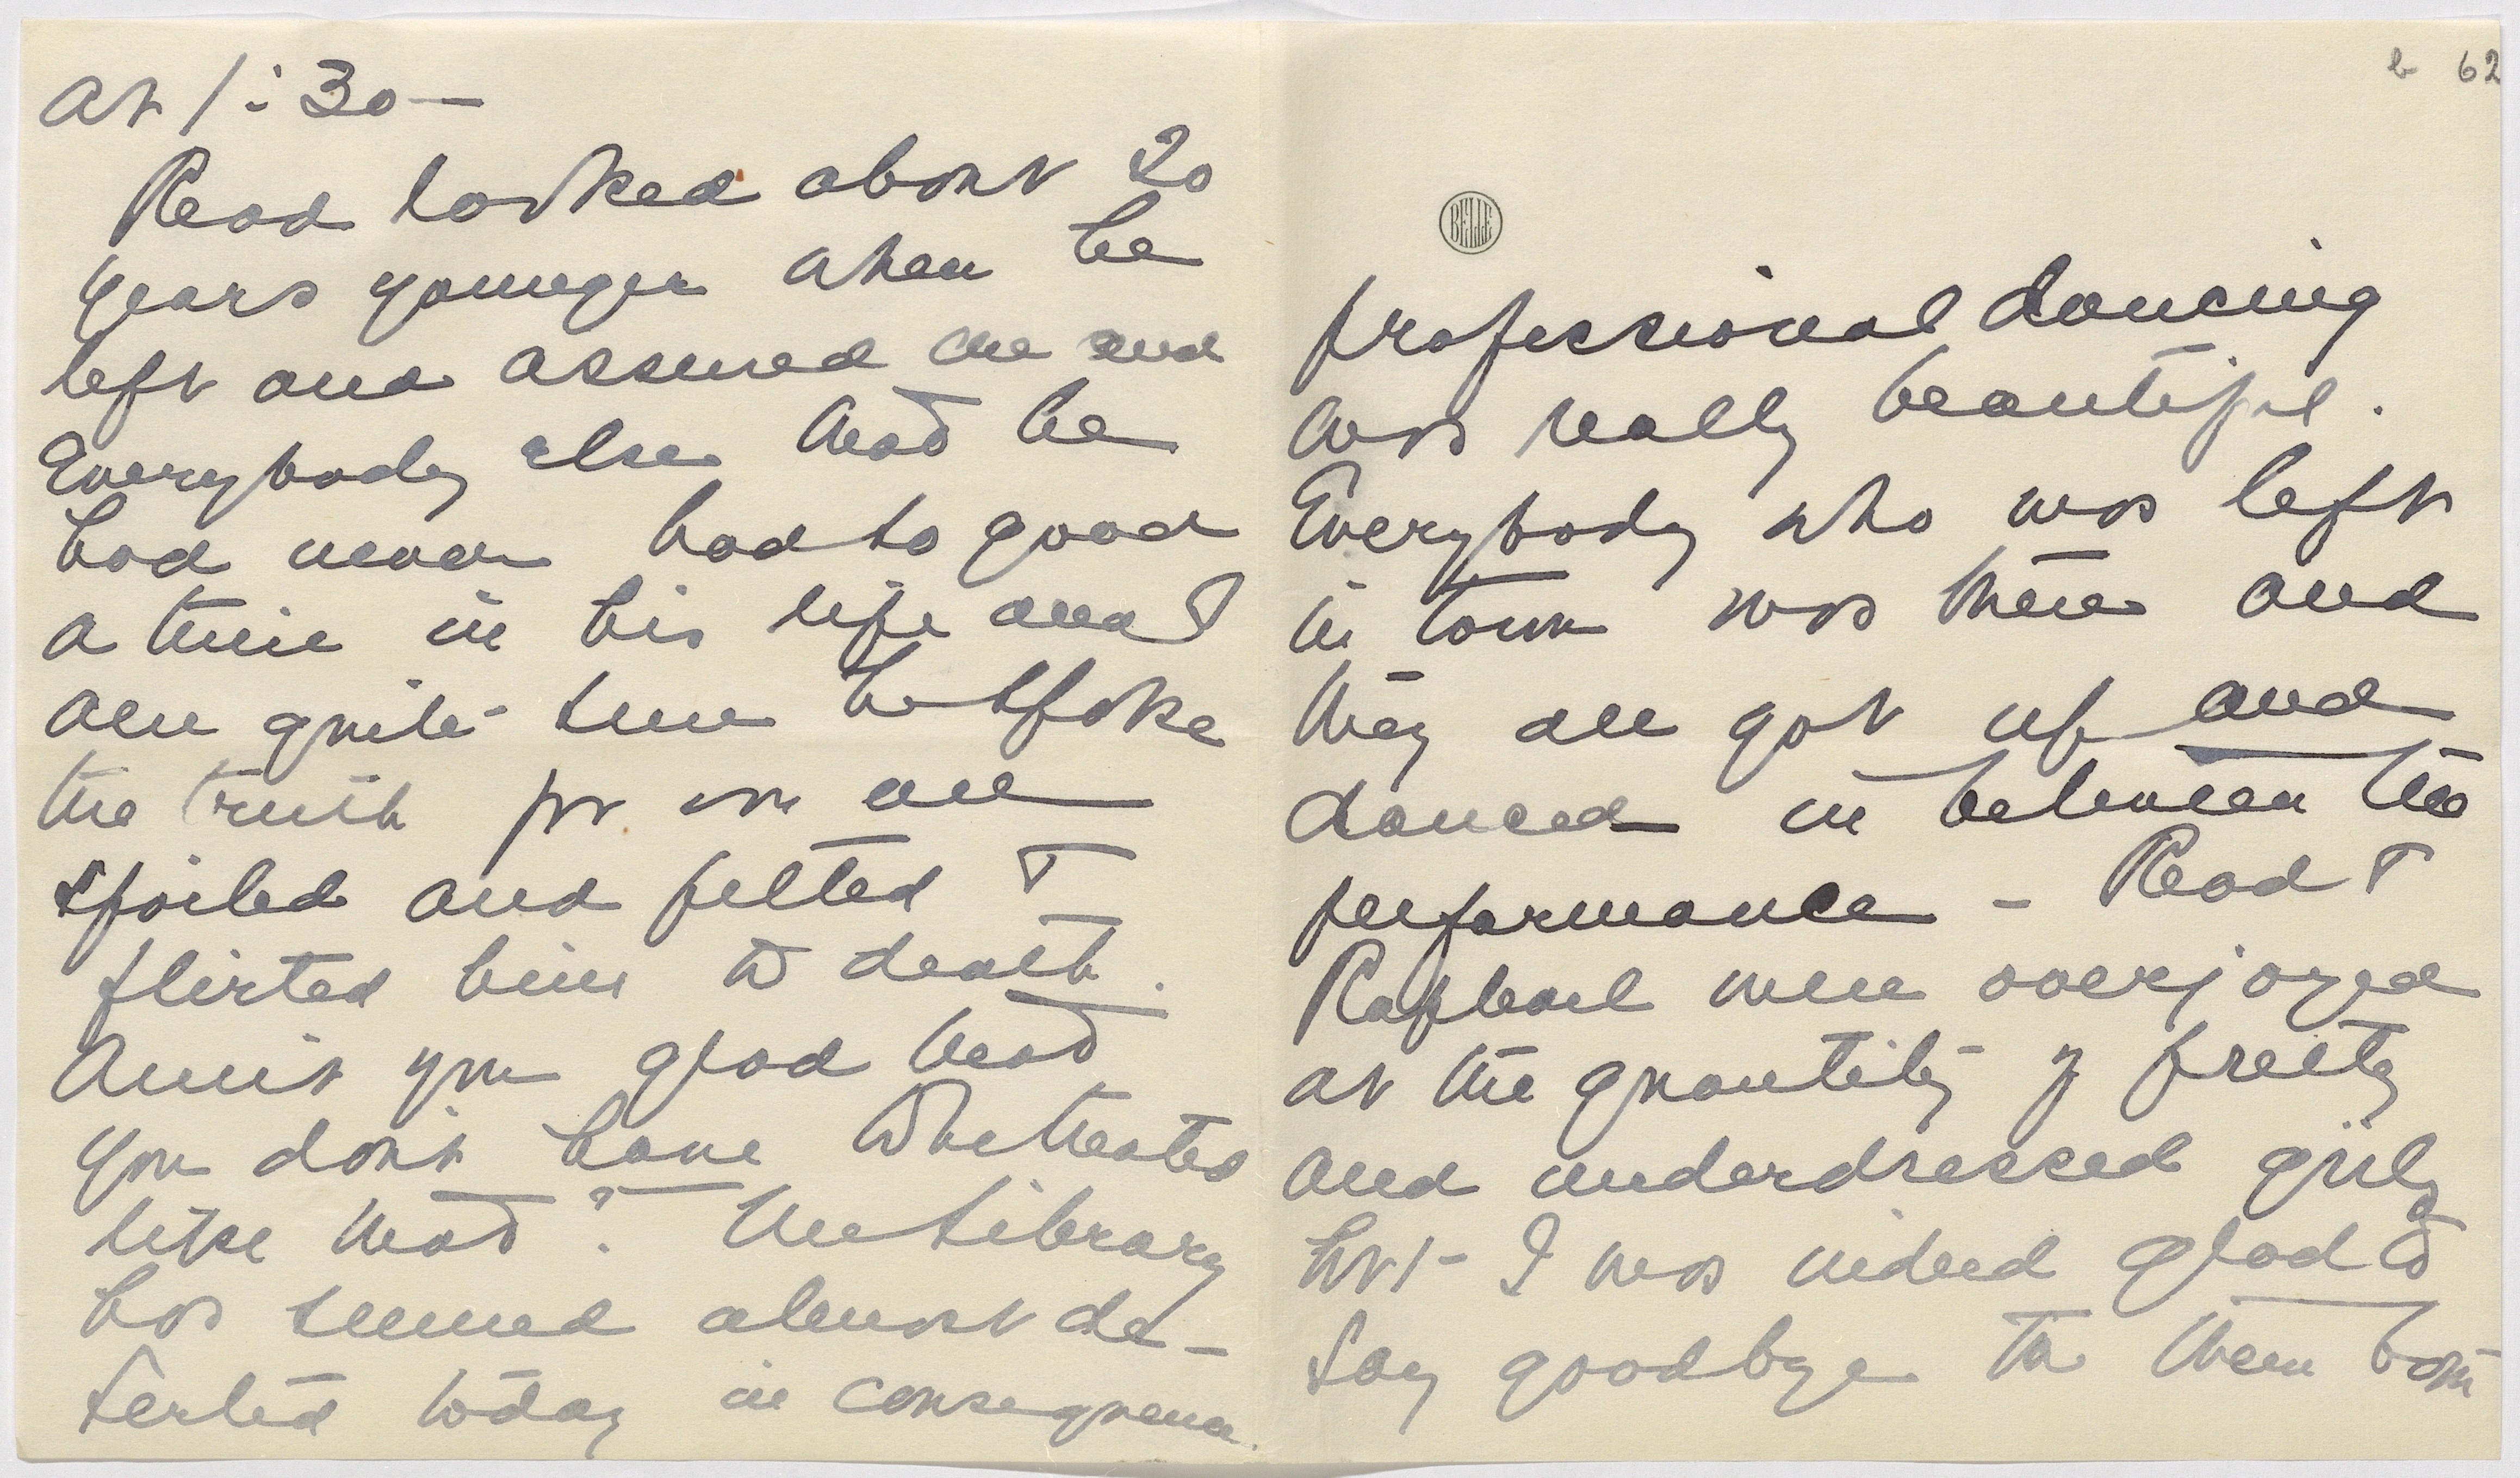professional dancing was really beautiful. Everybody who was left in town was there and they all got up and danced – in between the performance – Read & Raphael were overjoyed at the quantity of pretty and underdressed girls but I was indeed glad to say goodbye to them both
at 1:30 –
Read looked about 20 years younger when he left and assured me and everybody else that he had never had so good a time in his life and I am quite sure he spoke the truth for we all spoiled and fetted & flirted him to death. Aren’t you glad that you don’t have to be treated like that? The Library has seemed almost deserted today in consequence